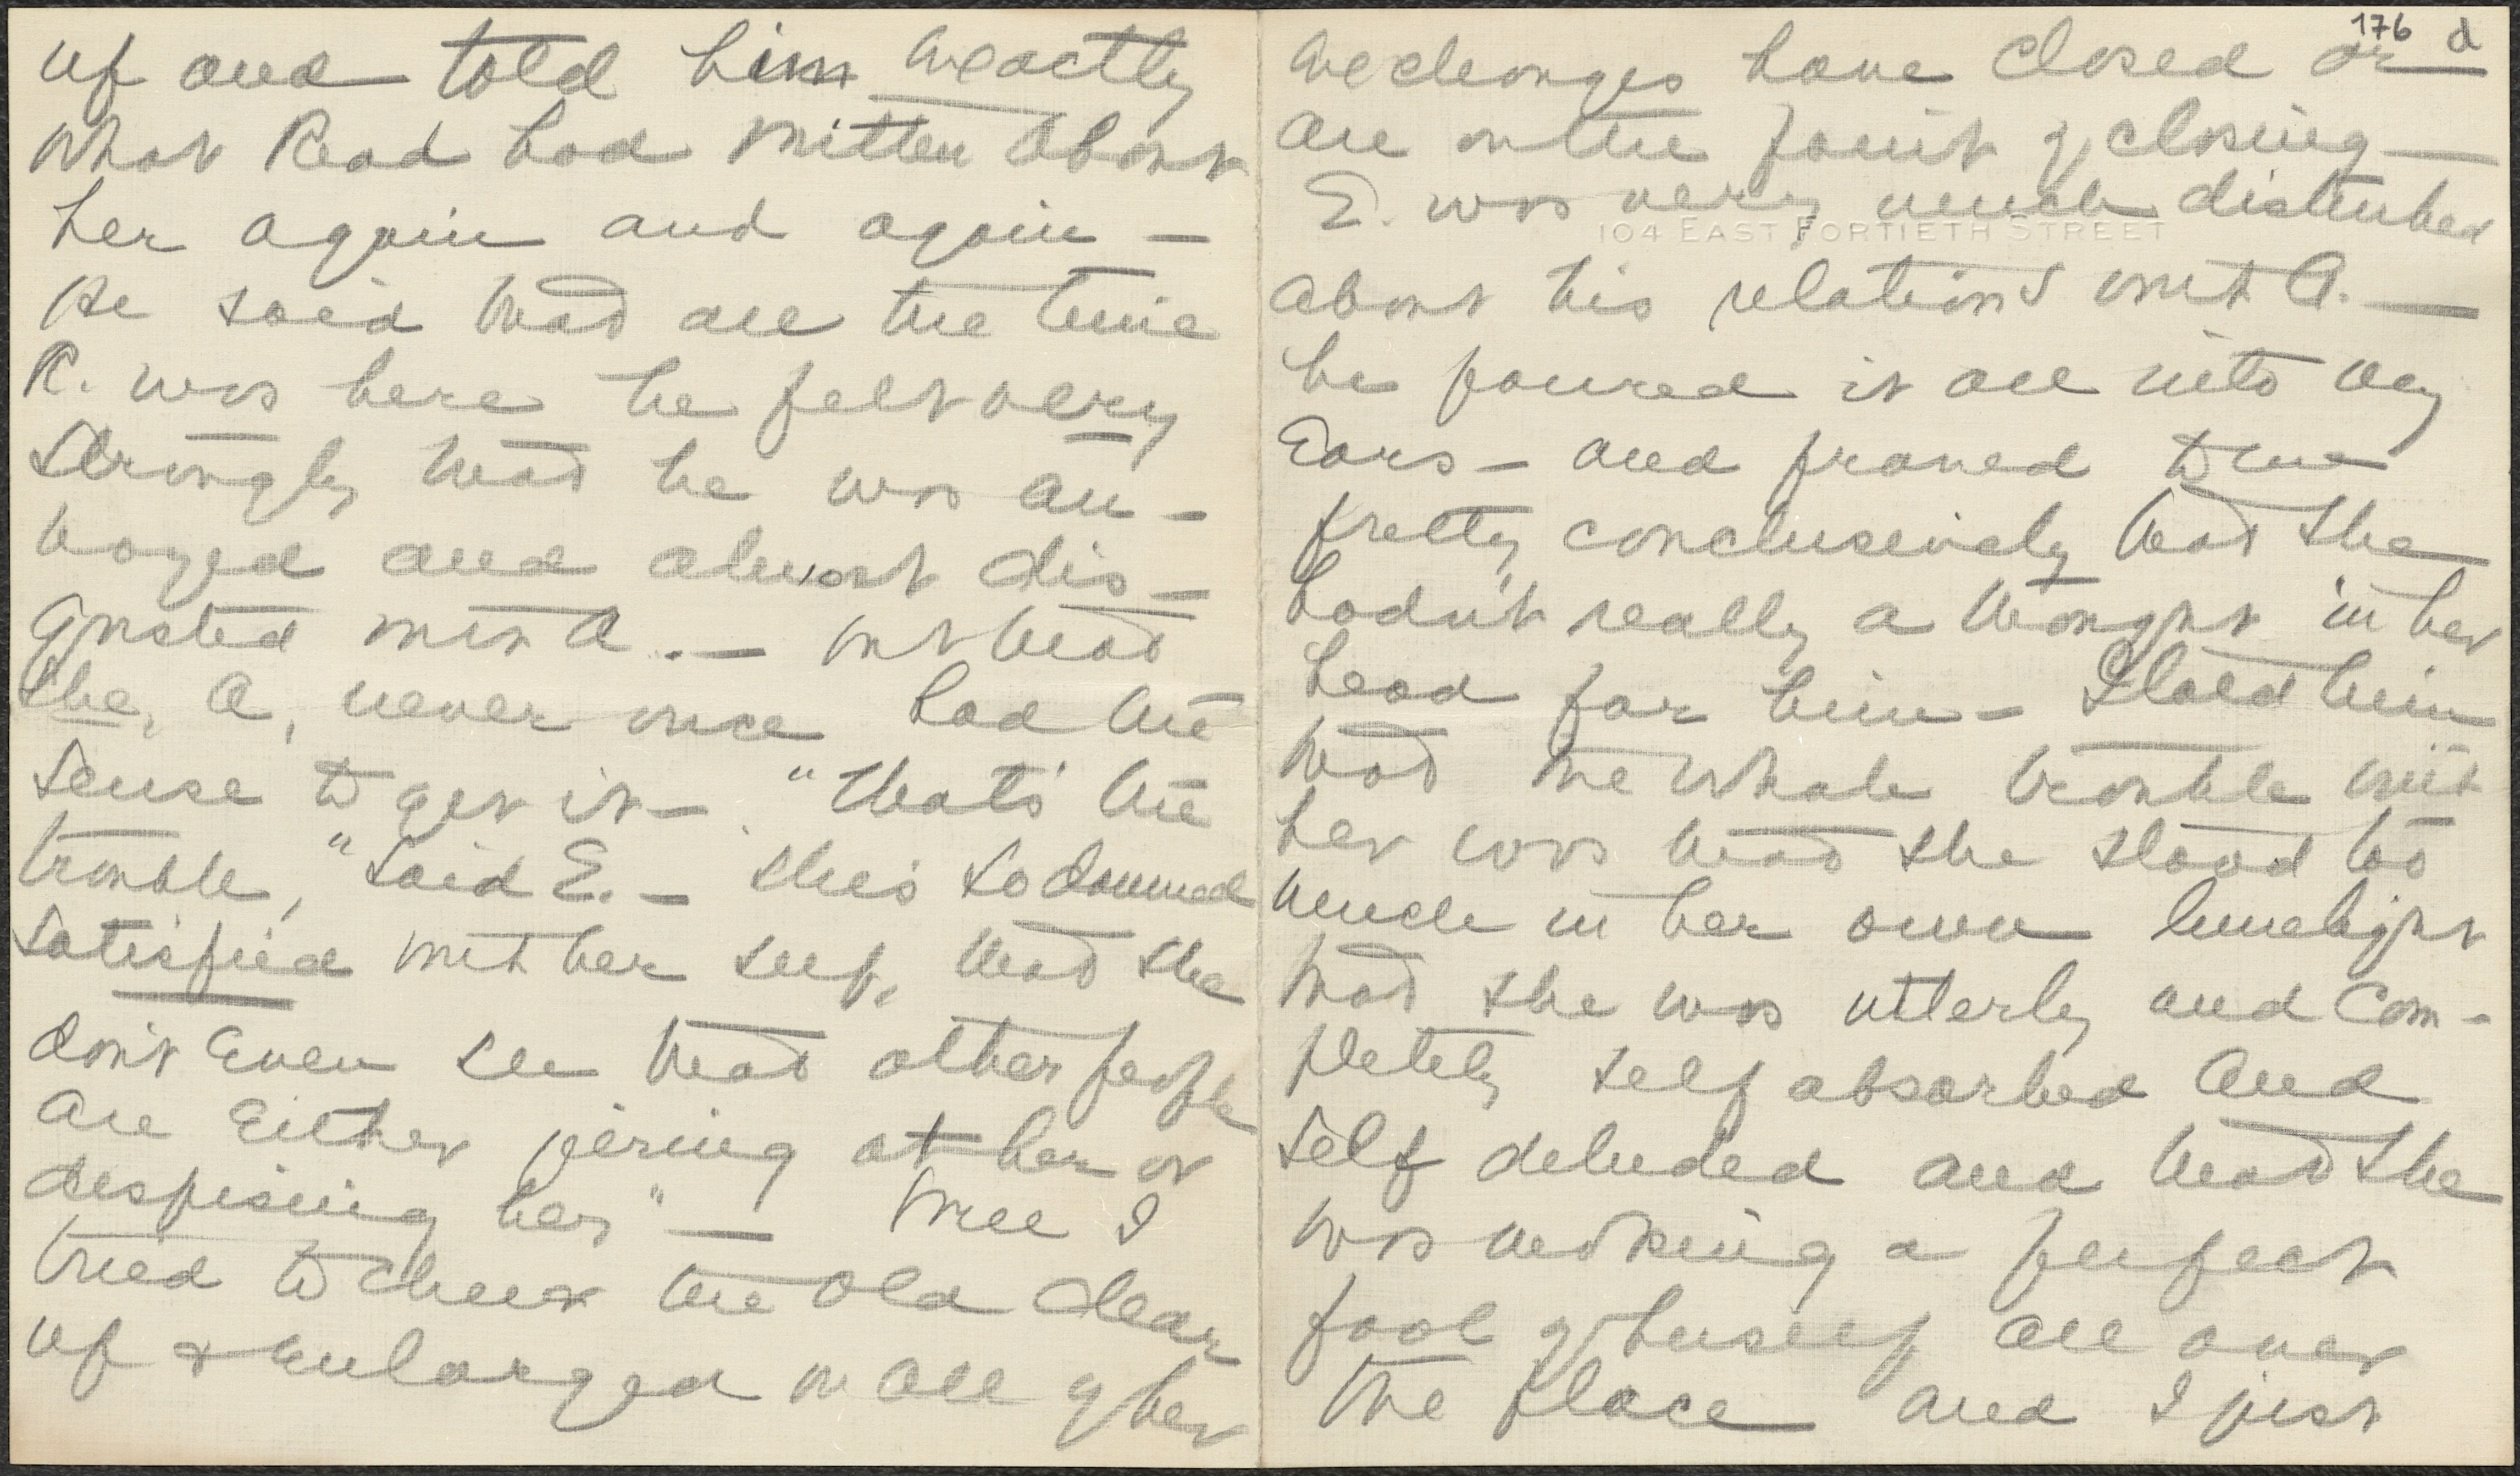exchanges have closed or are on the point of closing – E. was very much disturbed about his relations with A. – he poured it all into my ears – and proved to me pretty conclusively that she hadn’t really a thought in her head for him – I told him that the whole trouble with her was that she stood too much in her own limelight that she was utterly and completely self absorbed and self deluded and that she was making a perfect fool of herself all over the place and I just
up and told him exactly what Read had written about her again and again – He said that all the time R. was here he felt very strongly that he was enraged and almost disgusted with A. – but that she, A, never once had the sense to get it – “That’s the trouble,” said E. – ‘she’s so damned satisfied with her self, that she don’t even see that other people are either jeering at her or despising her” – Well I tried to cheer the old dear up & enlarged on all of her